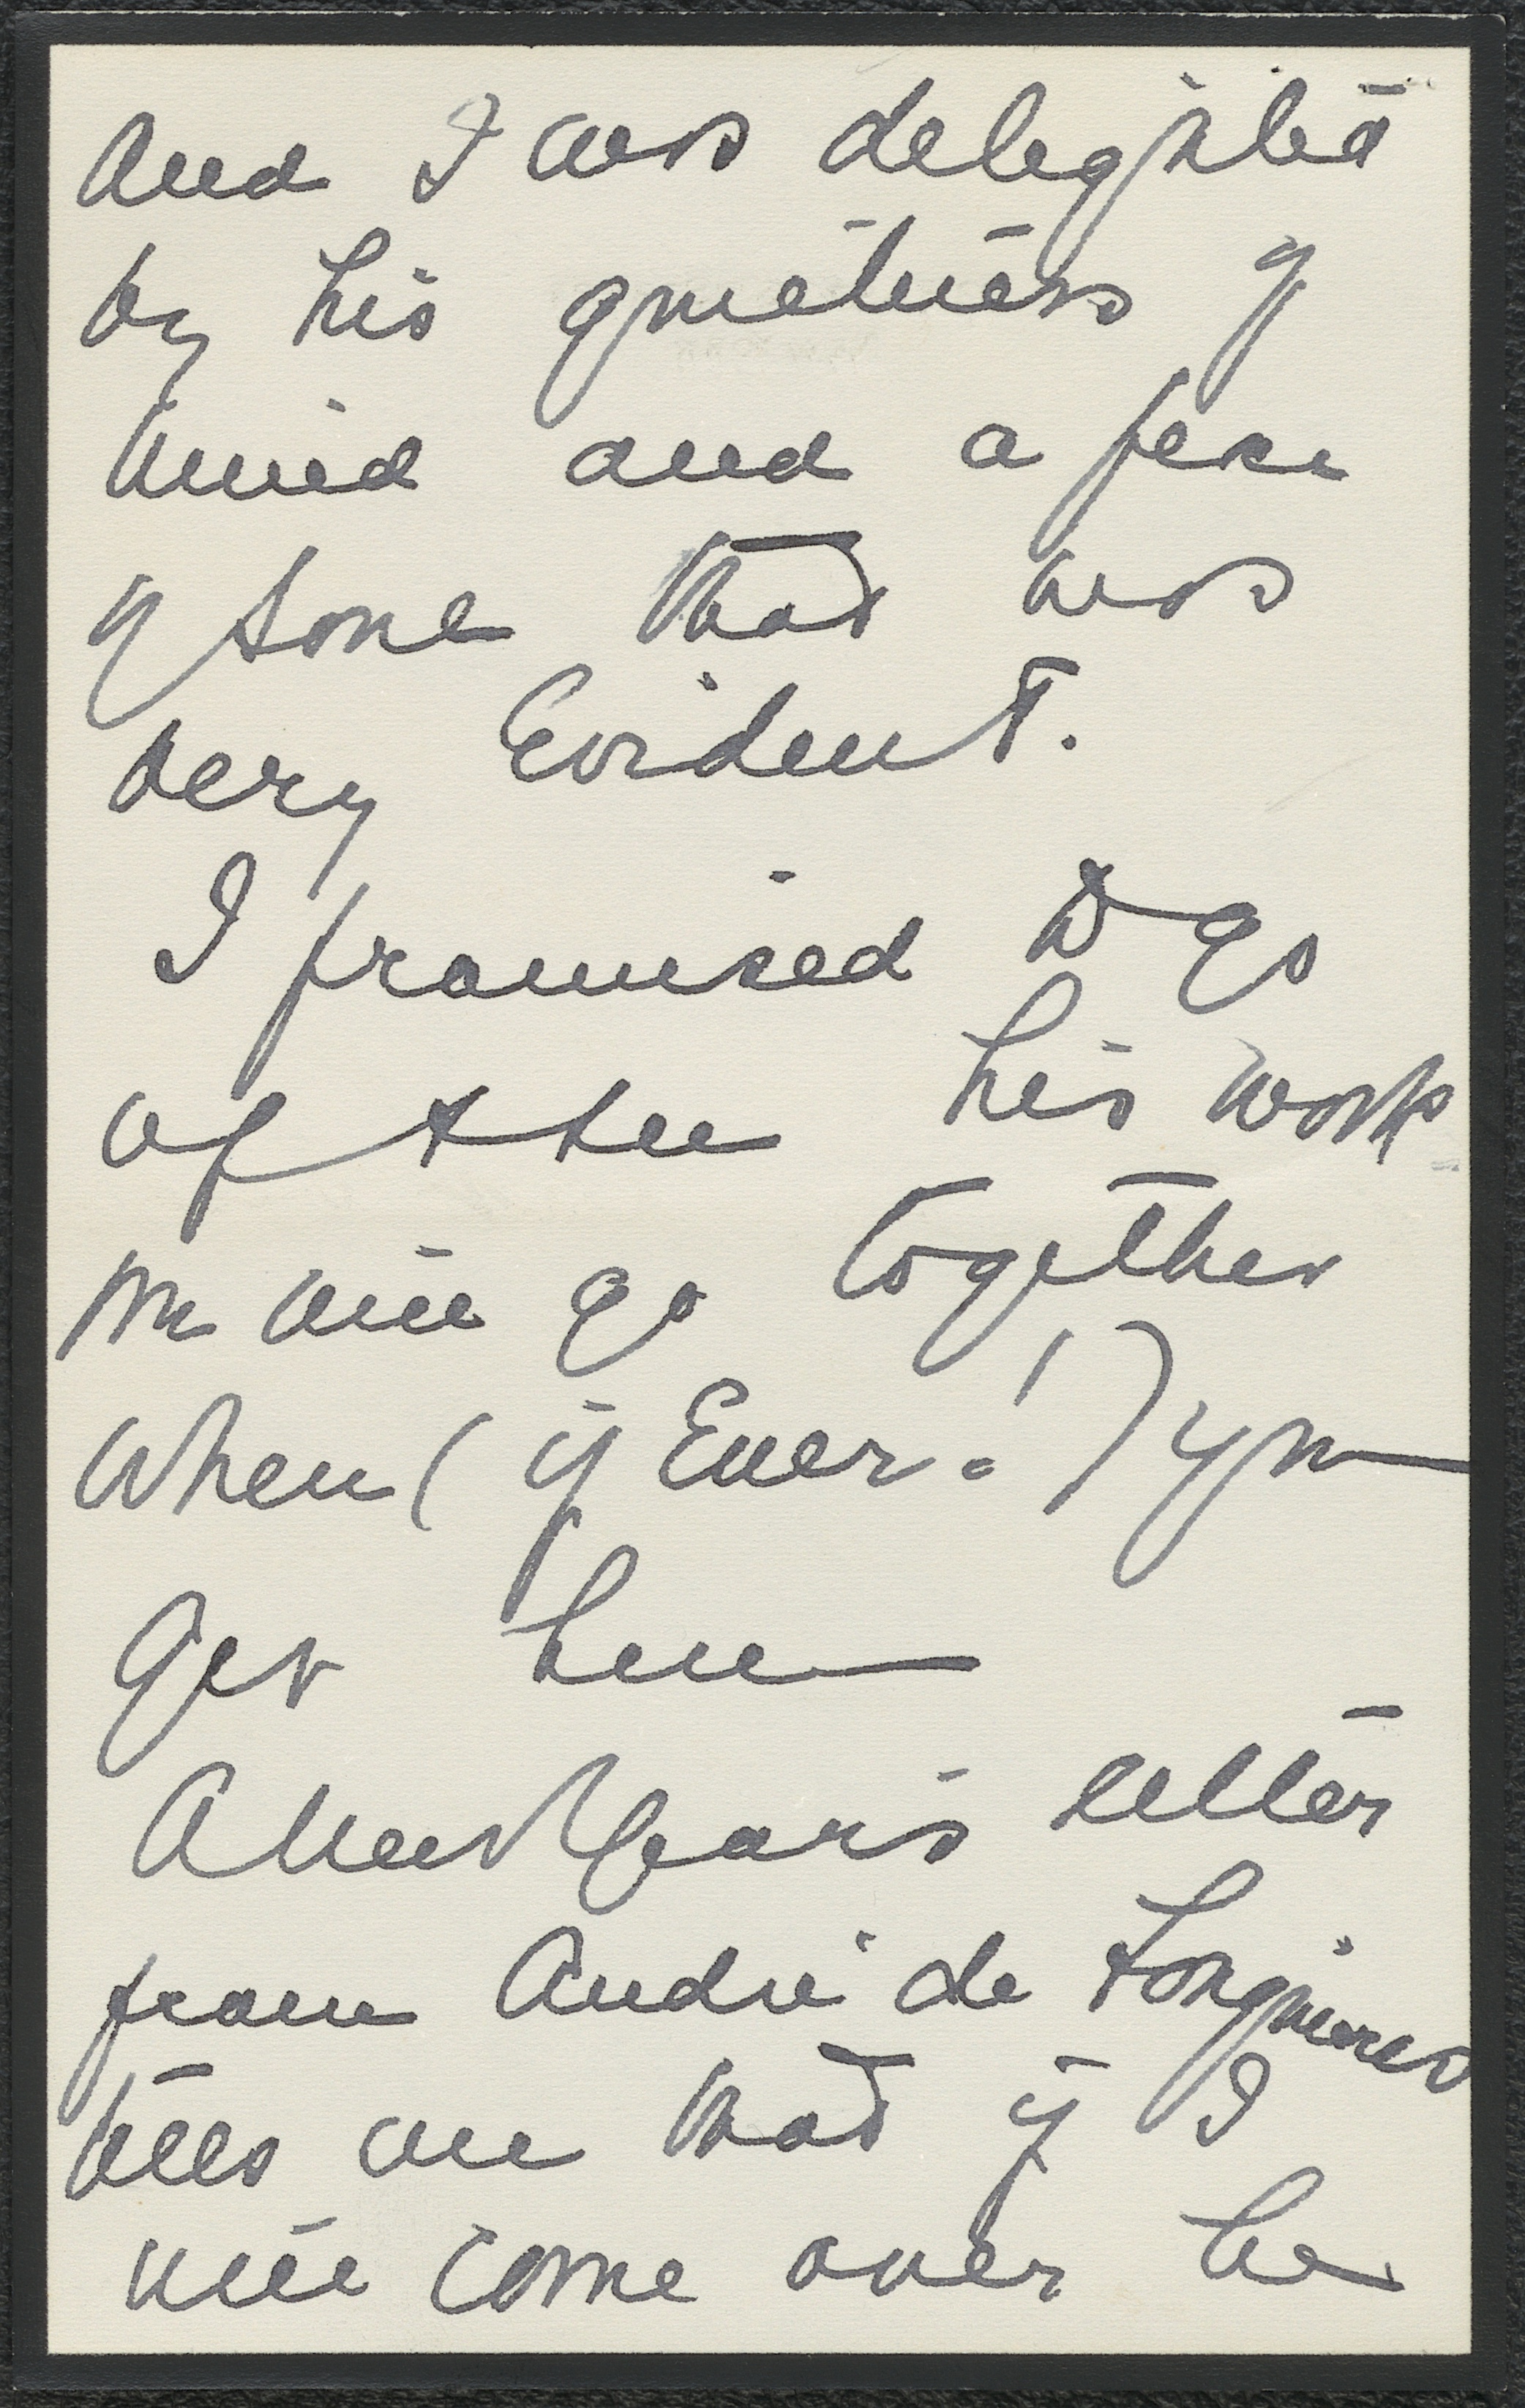and I was delighted by his quietness of mind and a fear [?] of love [?] that was very evident.
I promised to go up & see his work we will go together when (if ever!) you get here –
A New Year’s letter from André de Fouquières tells me that if I will come over he